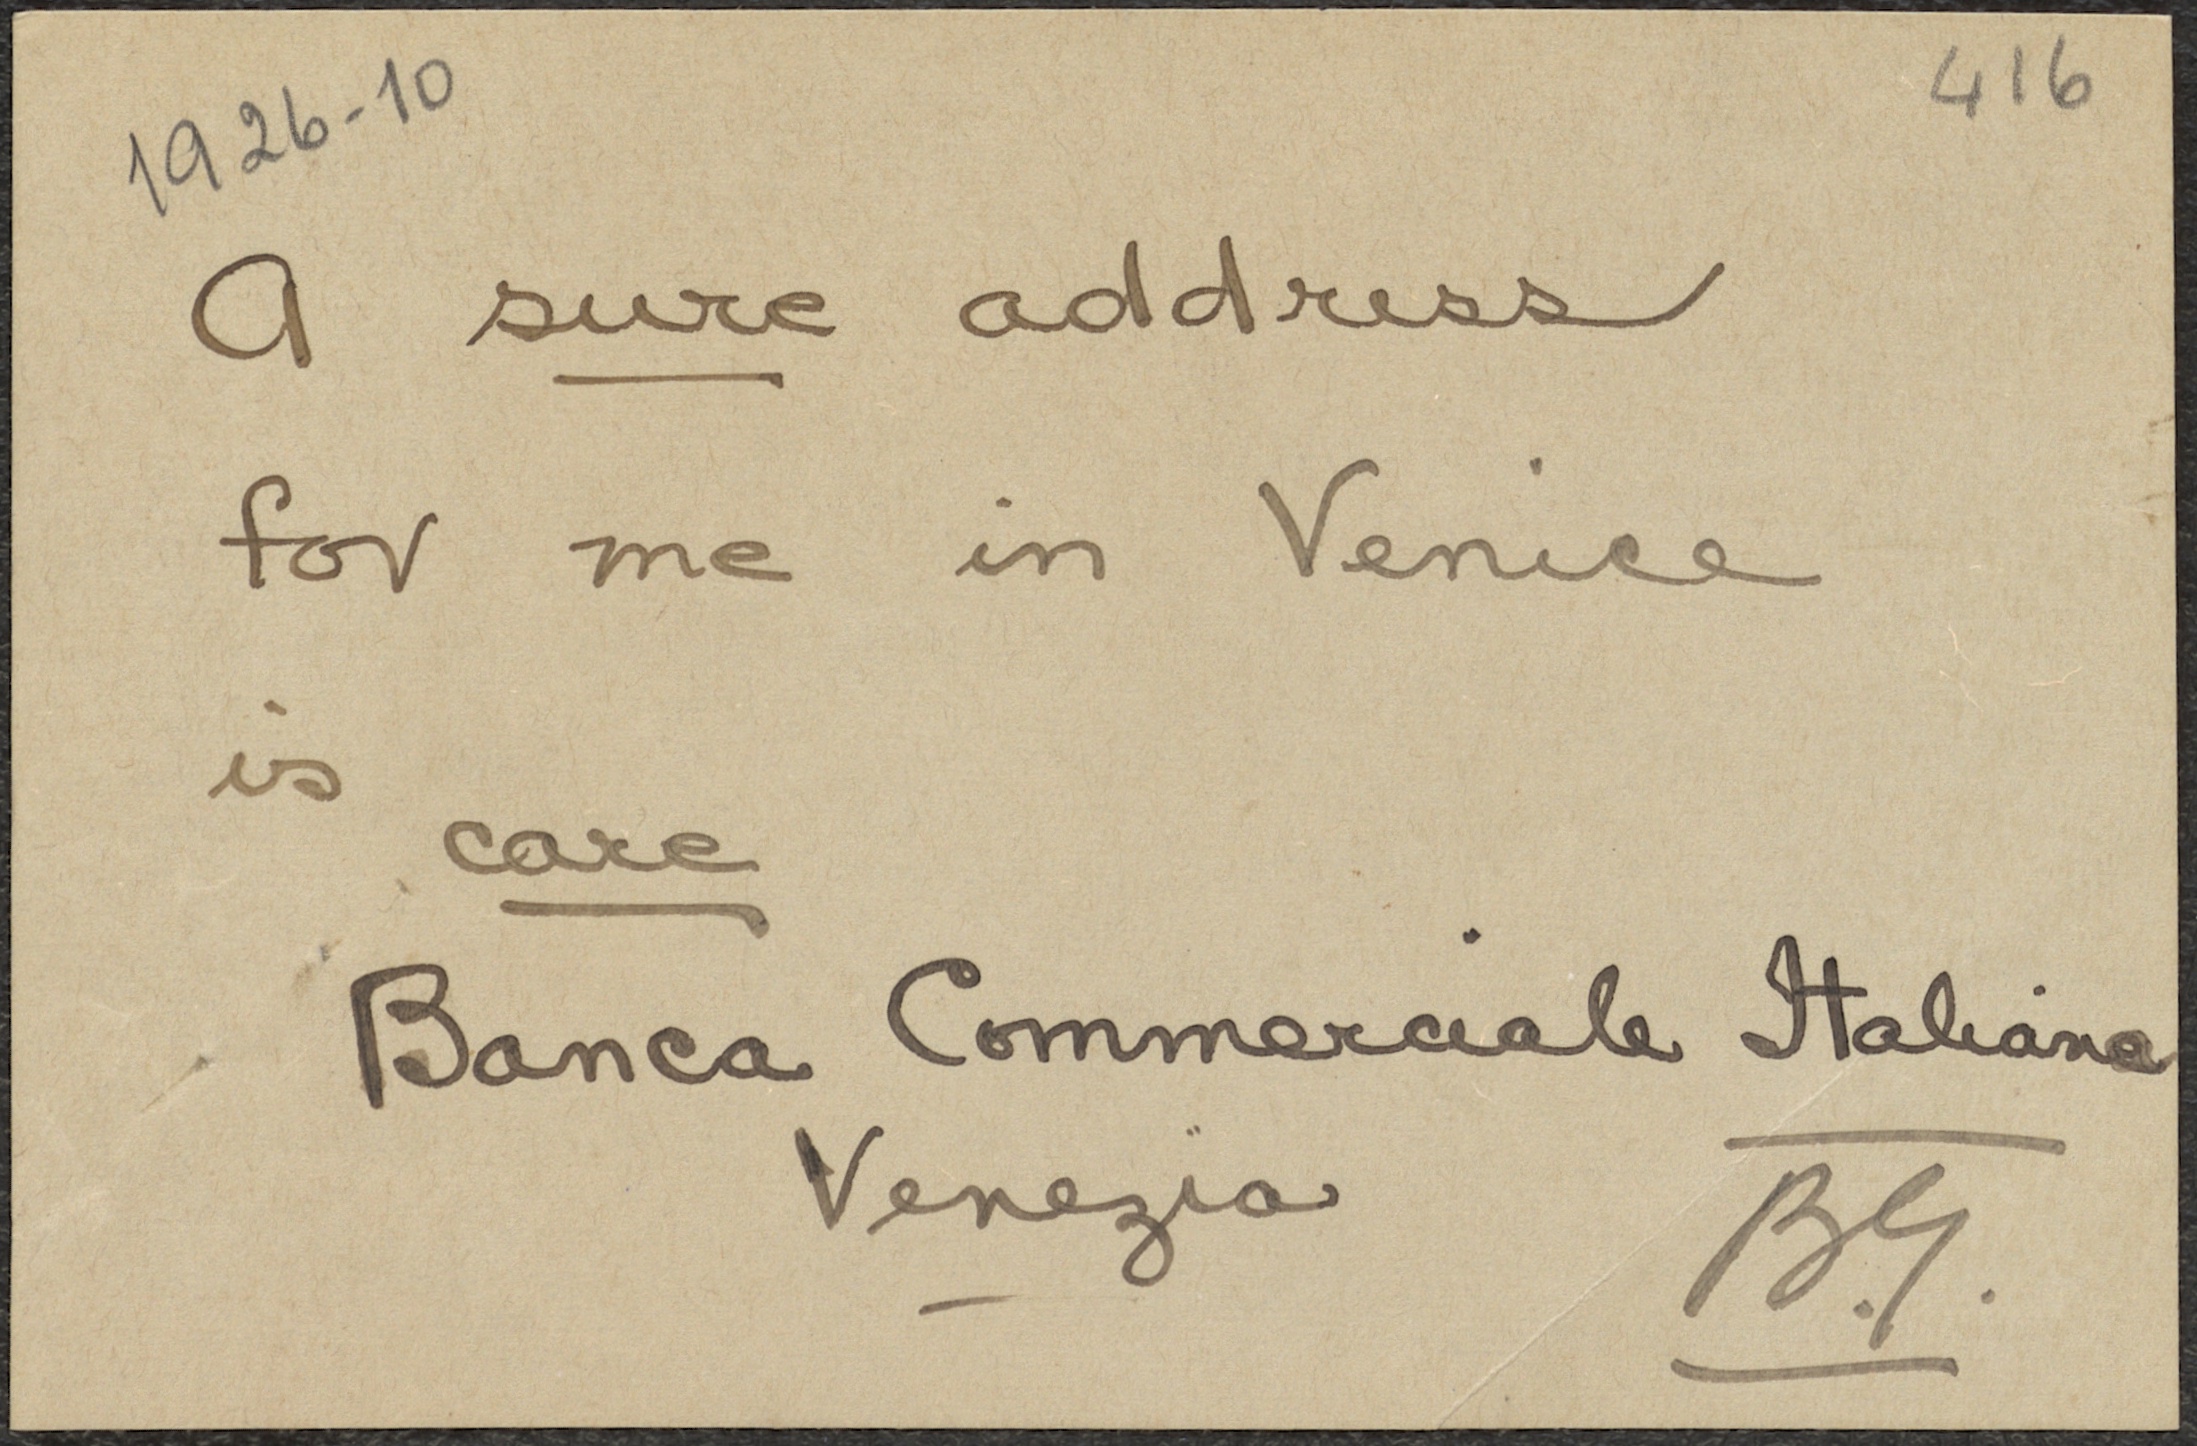A sure address for me in Venice is care
Banca Commerciale Italiana
Venezia
B.G.